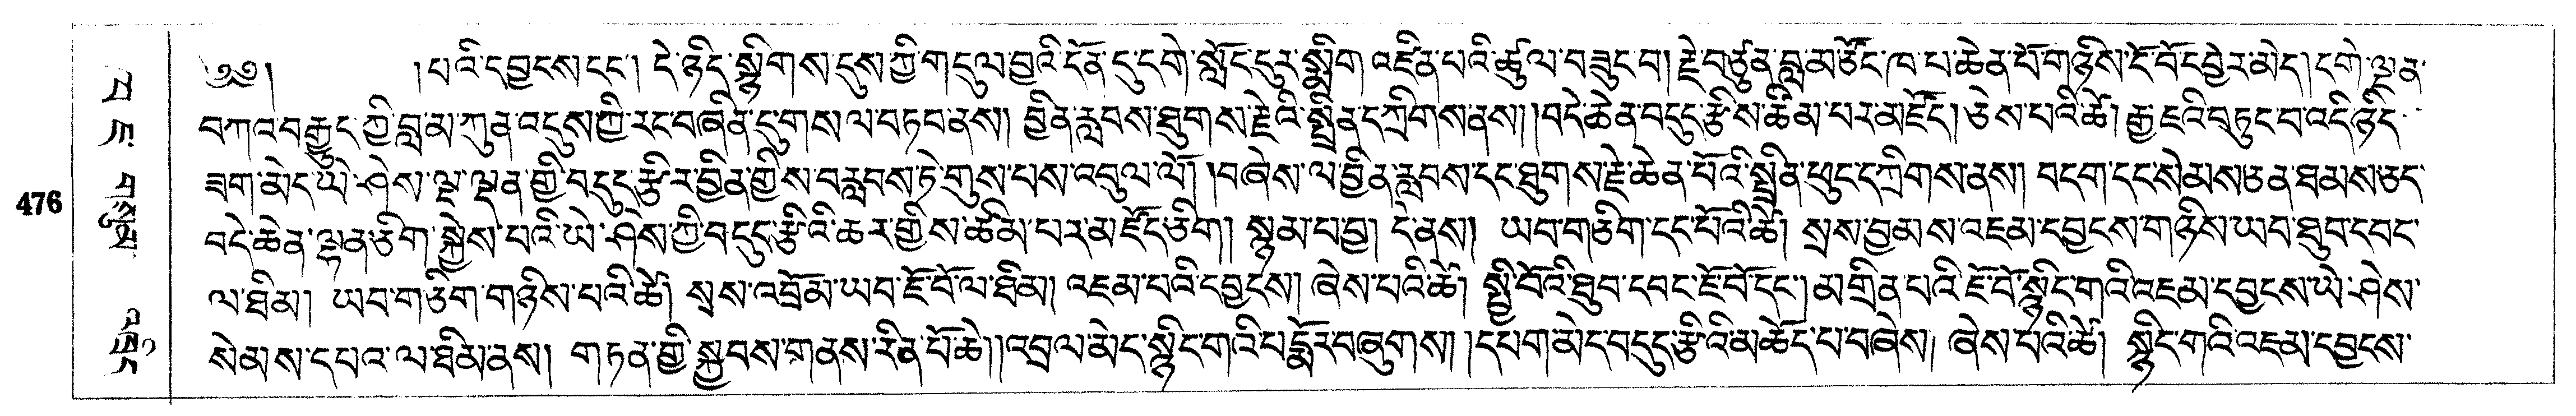༄༅། །པའི་དབྱངས་དང་། དེ་ཉིད་སྙིགས་དུས་ཀྱི་གདུལ་བྱའི་དོན་དུ་དགེ་སློང་ངུར་སྨིག་འཛིན་པའི་ཚུལ་བཟུང་བ། རྗེ་བཙུན་བླ་མ་ཙོང་ཁ་པ་ཆེན་པོ་གཉིས་ངོ་བོ་དབྱེར་མེད། དགེ་ལྡན་
བཀའ་བརྒྱུད་ཀྱི་བླ་མ་ཀུན་འདུས་ཀྱི་རང་བཞིན་དུ་གསལ་བཏབ་ནས། བྱིན་རླབས་ཐུགས་རྗེའི་སྤྲིན་དཀྲིགས་ནས། །བདེ་ཆེན་བདུད་རྩིས་ཚིམ་པར་མཛོད། ཅེས་པའི་ཚེ། རྒྱ་ཇའི་བཏུང་བ་འདི་ཉིད་
ཟག་མེད་ཡེ་ཤེས་ལྔ་ལྡན་གྱི་བདུད་རྩིར་བྱིན་གྱིས་བརླབས་ཏེ་གུས་པས་འབུལ་ལོ། །བཞེས་ལ་བྱིན་རླབས་དང་ཐུགས་རྗེ་ཆེན་པོའི་སྤྲིན་ཕུང་དཀྲིགས་ནས། བདག་དང་སེམས་ཅན་ཐམས་ཅད་
བདེ་ཆེན་ལྷན་ཅིག་སྐྱེས་པའི་ཡེ་ཤེས་ཀྱི་བདུད་རྩིའི་ཆར་གྱིས་ཚིམ་པར་མཛོད་ཅིག །སྙམ་པ་བྱ། དེ་ནས། ཡབ་གཅིག་དང་པོའི་ཚེ། སྲས་བྱམས་འཇམ་དབྱངས་གཉིས་ཡབ་ཐུབ་དབང་
ལ་ཐིམ། ཡབ་གཅིག་གཉིས་པའི་ཚེ། སྲས་འབྲོམ་ཡབ་ཇོ་བོ་ལ་ཐིམ། འཇམ་པའི་དབྱངས། ཞེས་པའི་ཚེ། སྤྱི་བོའི་ཐུབ་དབང་ཇོ་བོ་དང་། མགྲིན་པའི་ཇོ་བོ་སྙིང་གའི་འཇམ་དབྱངས་ཡེ་ཤེས་
སེམས་དཔའ་ལ་ཐིམ་ནས། གཏན་གྱི་སྐྱབས་གནས་རིན་པོ་ཆེ། །འབྲལ་མེད་སྙིང་གའི་པདམོར་བཞུགས། །དཔག་མེད་བདུད་རྩིའི་མཆོད་པ་བཞེས། ཞེས་པའི་ཚེ། སྙིང་གའི་འཇམ་དབྱངས་